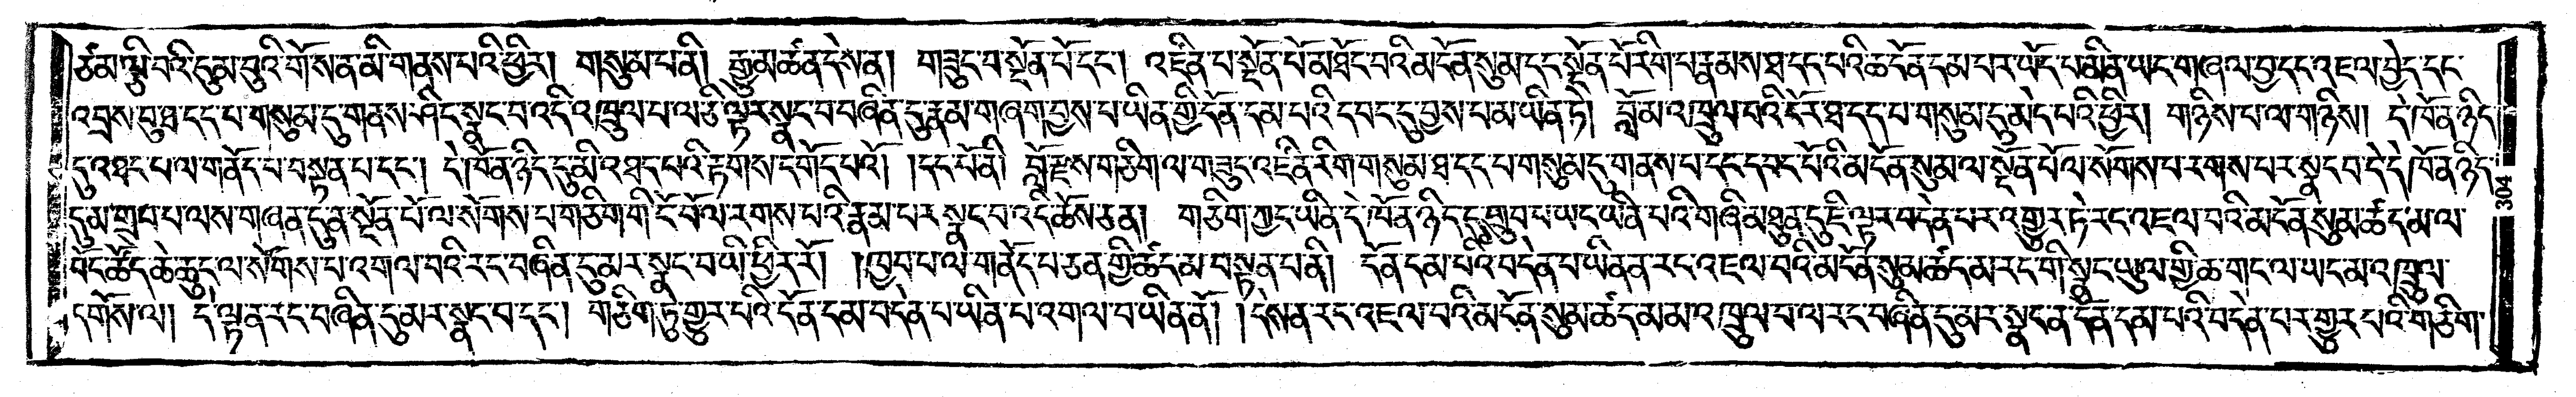ཙམ་ལྕི་བའི་དུ་མ་བུའི་གོ་ས་ན་མི་གནས་པའི་ཕྱིར། གསུམ་པ་ནི། རྒྱུ་མཚན་དེས་ན། གཟུང་བ་སྔོན་པོ་དང་། འཛིན་པ་སྔོན་པོ་མཐོང་བའི་མངོན་སུམ་དང་སྔོན་པོ་རིག་པ་རྣམས་ཐ་དད་པའི་ཆ་དོན་དམ་པར་ཡོད་པ་མིན་ཡང་གཞལ་བྱ་དང་འཇལ་བྱེད་དང་
འབྲས་བུ་ཐ་དད་པ་གསུམ་དུ་གནས་ཤིང་སྣང་བ་འདི་འཁྲུལ་པ་ལ་ཅི་ལྟར་སྣང་བ་བཞིན་དུ་རྣམ་གཞག་བྱས་པ་ཡིན་གྱི་དོན་དམ་པའི་དབང་དུ་བྱས་པ་མ་ཡིན་ཏེ། བློ་མ་འཁྲུལ་བའི་ངོར་ཐ་དད་པ་གསུམ་དུ་མེད་པའི་ཕྱིར། གཉིས་པ་ལ་གཉིས། དེ་ཁོ་ན་ཉིད་
དུ་འཐད་པ་ལ་གནོད་པ་བསྟན་པ་དང་། དེ་ཁོ་ན་ཉིད་དུ་མི་འཐད་པའི་རྟགས་དགོད་པའོ། །དང་པོ་ནི། བློ་རྫས་གཅིག་ལ་གཟུང་འཛིན་རིག་གསུམ་ཐ་དད་པ་གསུམ་དུ་གནས་པ་དང་དབང་པོའི་མངོན་སུམ་ལ་སྔོན་པོ་ལ་སོགས་པ་རགས་པར་སྣང་བ་དེ་དེ་ཁོ་ན་ཉིད་
དུ་མ་གྲུབ་པ་ལས་གཞན་དུ་ན་སྔོན་པོ་ལ་སོགས་པ་གཅིག་གི་ངོ་བོ་ལ་རགས་པའི་རྣམ་པར་སྣང་བ་འདི་ཆོས་ཅན། གཅིག་ཀྱང་ཡིན་དེ་ཁོ་ན་ཉིད་དུ་གྲུབ་པ་ཡང་ཡིན་པའི་གཞི་མཐུན་དུ་ཇི་ལྟར་བདེན་པར་འགྱུར་ཏེ་རང་འཇལ་བའི་མངོན་སུམ་ཚད་མ་ལ་
བོང་ཚོད་ཆེ་ཆུང་ལ་སོགས་པ་འགལ་བའི་རང་བཞིན་དུ་མར་སྣང་བ་ཡི་ཕྱིར་རོ། །ཁྱབ་པ་ལ་གནོད་པ་ཅན་གྱི་ཚད་མ་བསྟན་པ་ནི། དོན་དམ་པའི་བདེན་པ་ཡིན་ན་རང་འཇལ་བའི་མངོན་སུམ་ཚད་མ་རང་གི་སྣང་ཡུལ་གྱི་ཆ་གང་ལ་ཡང་མ་འཁྲུལ་
དགོས་ལ། དེ་ལྟ་ན་རང་བཞིན་དུ་མར་སྣང་བ་དང་། གཅིག་ཏུ་གྱུར་པའི་དོན་དམ་བདེན་པ་ཡིན་པ་འགལ་བ་ཡིན་ནོ། །དེས་ན་རང་འཇལ་བའི་མངོན་སུམ་ཚད་མ་མ་འཁྲུལ་བ་ལ་རང་བཞིན་དུ་མར་སྣང་ན་དོན་དམ་པའི་བདེན་པར་གྱུར་པའི་གཅིག་